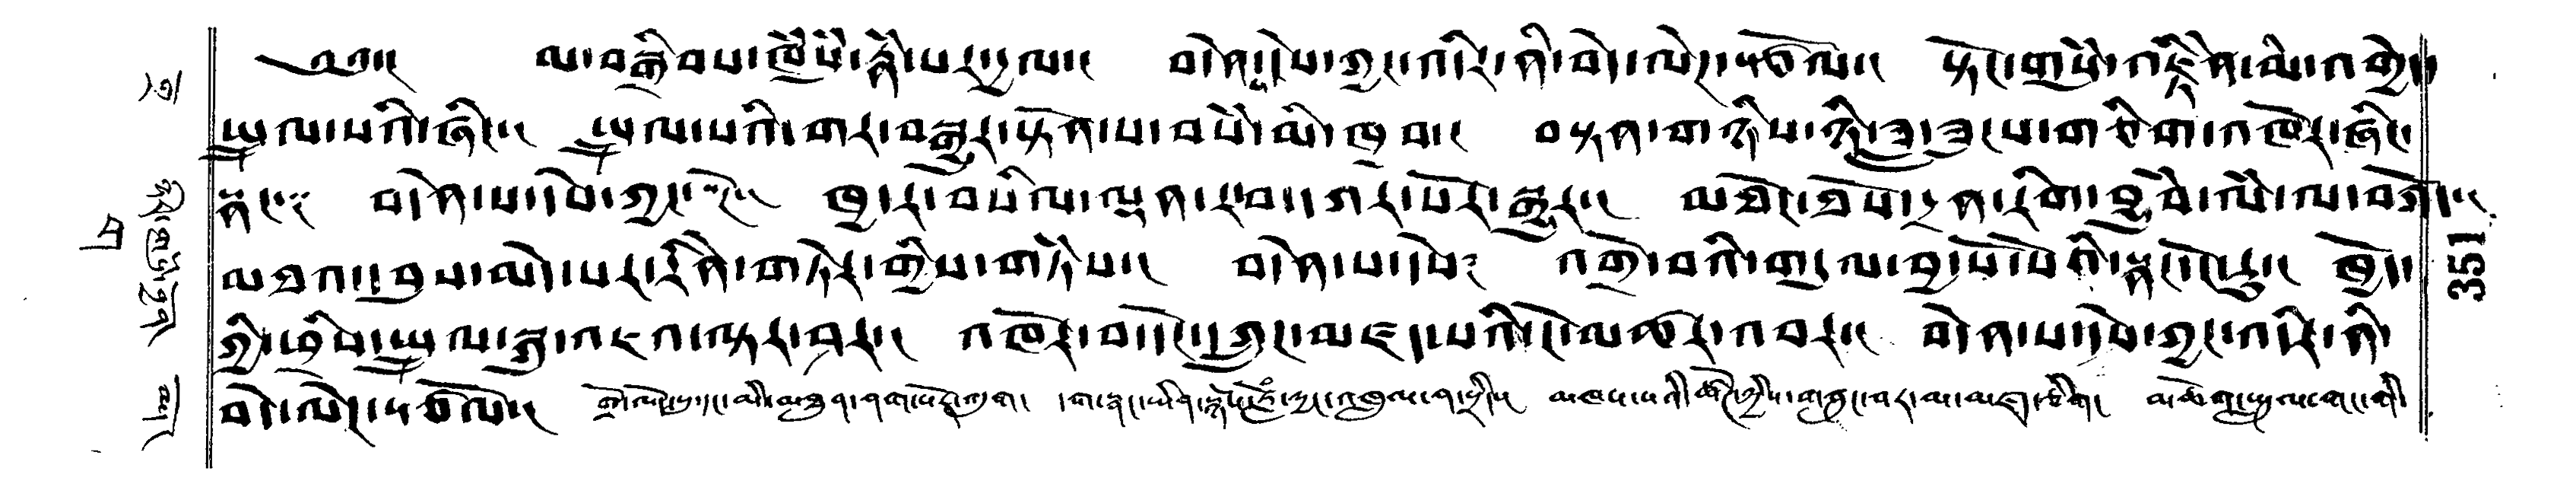མ་བསྒྲིབས་ཁམས་གསུམ་རྣམ་པར་རྒྱལ། །བདེན་པ་དེས་ཀྱང་འདིར་ནི་བདེ་ལེགས་སྩོལ། །སྟོང་གསུམ་འཇིག་རྟེན་མི་མཛེད་
སྤྲུལ་པའི་ཞིང་། །སྤྲུལ་པའི་གར་སྒྱུར་སྟོན་པ་བསམ་མི་ཁྱབ། །བསྟན་གཉིས་ཉི་ཟླ་ཟུང་གཅིག་འཁོར་ཞིང་
སྣང་། །བདེན་པ་དེས་ཀྱང༴ ཁྱད་པར་བསིལ་ལྡན་ར་བ་དཀར་པོར་སྒྱུར། །མཐོང་ཐོས་དྲན་རེག་བྱང་ཆུབ་ལམ་ལ་བཀོད། །
མཐའ་དབུས་མེད་པར་རིན་ཆེན་གཏེར་གྱིས་གཏམས། །བདེན་པ་དེས༴འགྲོ་བའི་གདུལ་བྱ་སོ་སོའི་སྣང་ངོ་རུ། ཁྱོད་
ཀྱི་ཕྲིན་ལས་སྤྲུལ་སྐུ་འཇའ་ལྟར་ཤར། །འཁོར་བ་དོང་དཀྲུགས་མཛད་པའི་ངོ་མཚར་འབར། །བདེན་པ་དེས་ཀྱང་འདིར་ནི་
བདེ་ལེགས་སྩོལ། གྲོ་ལོད་སུ་དང་མི་མཐུན་ནག་པོར་འདུག །དག་སྣང་ཡིན་སྙམ་རློམ་ཀྱང་འཁྲུལ་ནི་སྲིད། །མཁས་པའི་ཚོགས་ཀྱིས་གཤུང་བར་མ་མཛད་ཅིག །མཆོག་སྤྲུལ་གང་གི་